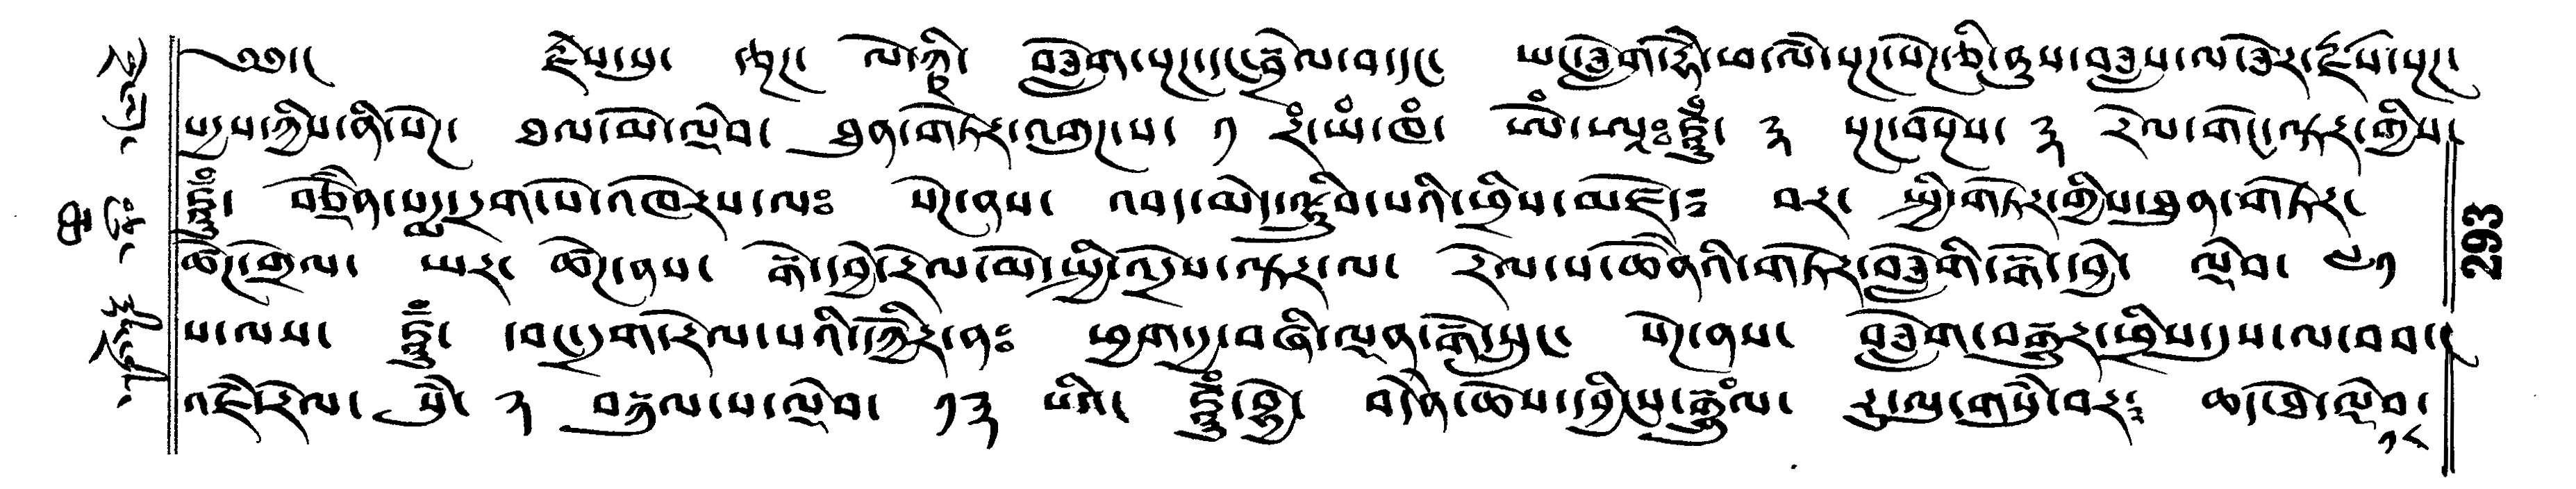རྗེས་སུ། རྩ་སྔགས། ལོ་ཀྟྲི། བཟློག་སྔགས་དང་སྦྲེལ་བ་དང་། ཡང་ཟློག་རྡོ་རྗེ་ཕ་ལམ་སྔགས་སོགས་ཅི་ནུས་བཟླས་ལ་ཟོར་རྫས་སྔགས།
སངས་རྒྱས་ཀྱིས་ནི༴ སོགས། ཐལ་མོ་ལྡེབ། ཐུན་གཏོར་འགུགས་པ། གཅིག རྃ་ཡྃ་ཁྃ༔ ཨོཾ་ཨཱཿཧཱུྃ༔ གསུམ། སྔགས་བསྔོས། གསུམ། རོལ་གོང་ལྟར་གྱིས། 
ཧཱུྃ༔ བཅོམ་ལྡན་པདྨ་དྲག་པོ་འཁོར་བཅས་ལ༔ སོགས་ནས། འབད་མེད་ལྷུན་གྱིས་འགྲུབ་པའི་ཕྲིན་ལས་མཛོད༔ བར། སྤྱི་གཏོར་གྱིས་ཐུན་གཏོར། 
ཚོགས་གྲོལ། ཡར་ཚོགས་ནས། སྒོ་དབྱེའི་རོལ་མོ་སྤྱི་འགྲོས་ལྟར་ལ། རོལ་པ་ཆེན་པོའི་གཏོར་བཟློག་གི་སྒོ་དབྱེ། ལྡེབ་ཞེ་གཅིག་
པ་ལས། ཧཱུྃ༔ དབང་དྲག་རོལ་པའི་དཀྱིལ་འཁོར་ན༔ ཕྱག་རྒྱ་བཞི་ལྡན་སྒོ་སྲུང༴ སོགས་ནས། བཟློག་བསྒྱུར་ཕྲིན་ལས་དུས་ལ་བབ༔ 
འཇམ་རོལ། སུམ་གཉིས། བསྐུལ་པ། ལྡེབ་བཅུ་གསུམ་པའི། ཧཱུྃ་བྷྱོ༔ བདེ་ཆེན་ཆོས་དབྱིངས་སྒྱུ་འཕྲུལ༔ རུ་ལུ་གསུམ་བར༴ ཆད་ཐོ་ལྡེབ་བཅོ་བརྒྱད་